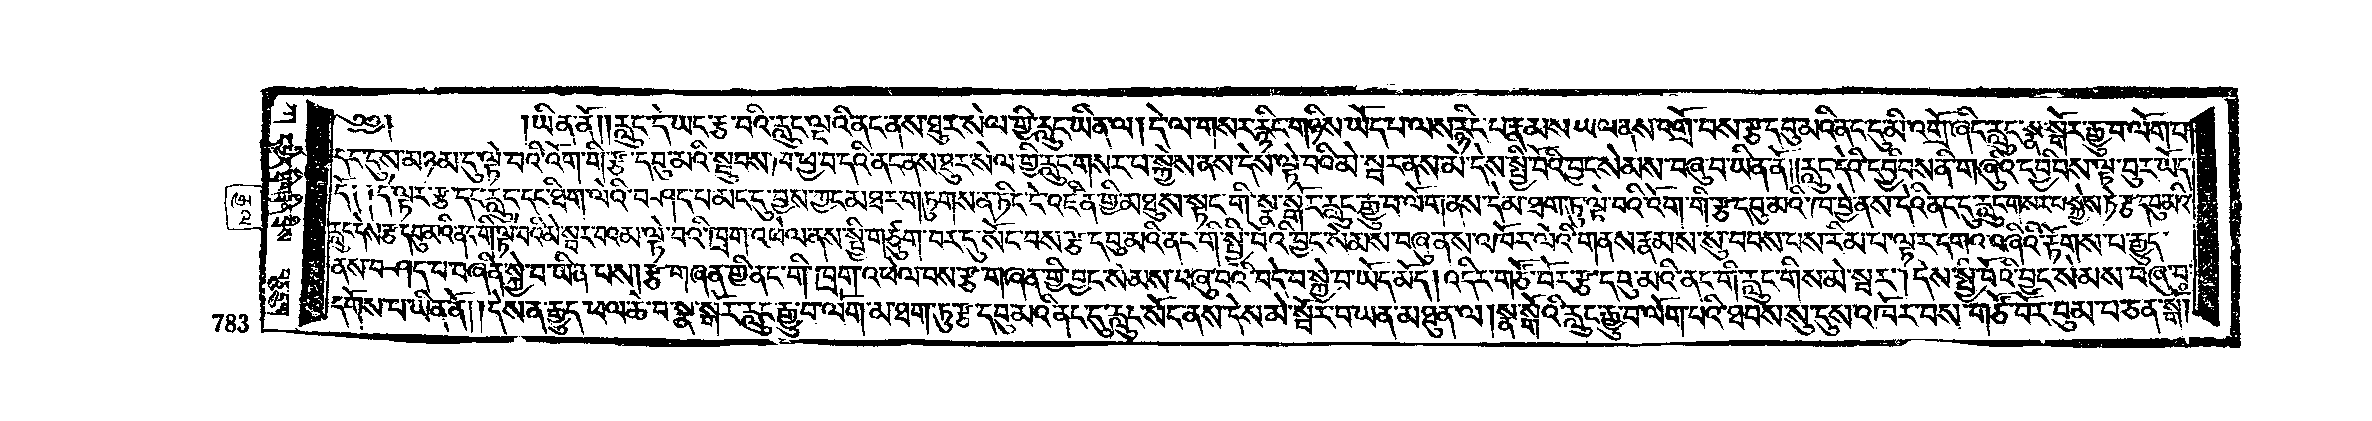༄༅། །ཡིན་ནོ། །རླུང་དེ་ཡང་རྩ་བའི་རླུང་ལྔའི་ནང་ནས་ཐུར་སེལ་གྱི་རླུང་ཡིན་ལ། དེ་ལ་གསར་རྙིང་གཉིས་ཡོད་པ་ལས་རྙིང་པ་རྣམས་ཡལ་ནས་འགྲོ་བས་རྩ་དབུ་མའི་ནང་དུ་མི་འགྲོ་ཞིང་རླུང་སྣ་སྒོར་རྒྱུ་བ་ལོག་པ་
དང་དུས་མཉམ་དུ་ལྟེ་བའི་འོག་གི་རྩ་དབུ་མའི་སྦུབས་ཁ་ཕྱ་བ་དའི་ནང་ནས་ཐུར་སེལ་གྱི་རླུང་གསར་པ་སྐྱེས་ནས་དེས་ལྟེ་བའི་མེ་སྦར་ནས་མེ་དེས་སྤྱི་བོའི་བྱང་སེམས་བཞུ་བ་ཡིན་ནོ། །རླུང་དེའི་དབྱིབས་ནི་གཞུའི་དབྱིབས་ལྟ་བུར་ཡོད་
དོ༑ ༑དེ་ལྟར་རྩ་དང་རླུང་དང་ཐིག་ལེའི་བཤད་པ་མང་དུ་བྱས་ཀྱང་མཐར་གཏུགས་ན་ཏིང་ངེ་འཛིན་གྱི་མཐུས་སྟང་གི་སྣ་སྒོར་རླུང་རྒྱུ་བ་ལོག་ནས་དེ་མ་ཐག་ཏུ་ལྟེ་བའི་འོག་གི་རྩ་དབུ་མའི་ཁ་བྱེ་ནས་དེའི་ནང་དུ་རླུང་གསར་བ་སྐྱེས་ཏེ་རྩ་དབུ་མའི་
རླུང་དེས་རྩ་དབུ་མའི་ནང་གི་ལྟེ་བའི་མེ་སྦར་བའམ་ལྟེ་བའི་ཁྲག་འཕེལ་ནས་སྤྱི་གཙུག་བར་དུ་སོང་བས་རྩ་དབུ་མའི་ནང་གི་སྤྱི་བོའི་བྱང་སེམས་བཞུ་ནས་འཁོར་ལོའི་གནས་རྣམས་སུ་བབས་པས་རིམ་པ་ལྟར་དགའ་བཞིའི་རྟོགས་པ་རྒྱུད་
ནས་བཤད་པ་བཞིན་སྐྱེ་བ་ཡིན་པས། རྩ་གཞན་གྱི་ནང་གི་ཁྲག་འཕེལ་བས་རྩ་གཞན་གྱི་བྱང་སེམས་བཞུ་བའི་བདེ་བ་སྐྱེ་བ་ཡོད་མོད། འདིར་གཙོ་བོར་རྩ་དབུ་མའི་ནང་གི་རླུང་གིས་མེ་སྦར། དེས་སྤྱི་བོའི་བྱང་སེམས་བཞུ་བ་
དགོས་པ་ཡིན་ནོ། །དེས་ན་རྒྱུད་ཕལ་ཆེ་བ་སྣ་སྒོར་རླུང་རྒྱུ་བ་ལོག་མ་ཐག་ཏུ་རྩ་དབུ་མའི་ནང་དུ་རླུང་སོང་ནས་དེས་མེ་སྦོར་བ་ཡན་མཐུན་ལ། སྣ་སྒོའི་རླུང་རྒྱུ་བ་ལོག་པའི་ཐབས་སུ་དུས་འཁོར་བས་གཙོ་བོར་བུམ་པ་ཅན་སྒོམ།